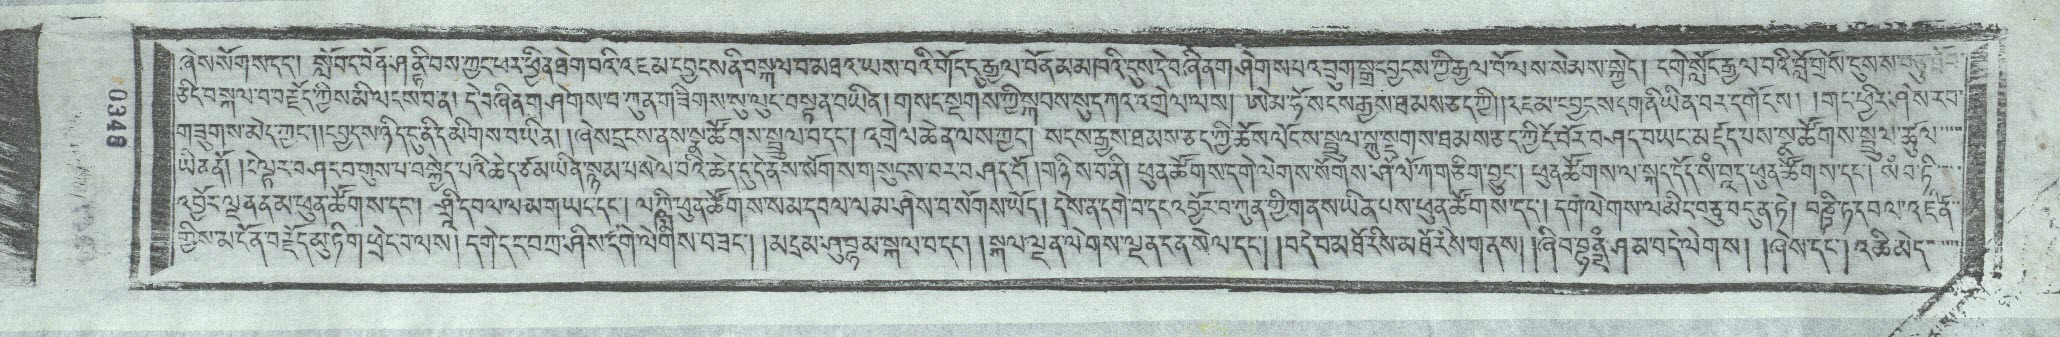ཞེས་སོགས་དང་། སློབ་དཔོན་ཤནྟི་བས་ཀྱང་ཕར་ཕྱིན་ཐེག་བའི་འཇམ་དབྱངས་ནི་བསྐལ་བ་མཐའ་ཡས་བའི་གོང་དུ་རྒྱལ་བོན་མ་མཁའི་དུས་དེ་བཞིན་གཤེགས་པ་འབྲུག་སྒྲ་དབྱངས་ཀྱི་རྒྱལ་པོ་ལས་སེམས་སྐྱེད། དགེ་སློང་རྒྱལ་བའི་བློ་གྲོས་དུས་ས་བཅུ་ཐོབ་
ཅིང་བསྐལ་བ་བརྗོད་ཀྱིས་མི་ལངས་བ་ན། དེ་བཞིན་གཤེགས་བ་ཀུན་གཟིགས་སུ་ལུང་བསྟན་བ་ཡིན། གསང་སྔགས་ཀྱི་སྐབས་སུ་དཀའ་འགྲེལ་ལས། ཨེ་མ་ཧོ་སངས་རྒྱས་ཐམས་ཅད་ཀྱི། །འཇམ་དབྱངས་དག་ནི་ཡིན་བར་དགོངས། །གང་ཕྱིར་ཤེས་རབ་
གཟུགས་མེད་ཀྱང་། །དབྱངས་ཉིད་དུ་ནི་དམིགས་བ་ཡིན། །ཞེས་དྲངས་ནས་སྣ་ཚོགས་སྤྲུལ་བ་དང་། འགྲེལ་ཆེན་ལས་ཀྱང་། སངས་རྒྱས་ཐམས་ཅད་ཀྱི་ཆོས་ལོངས་སྦྲུལ་སྐུ་སྔགས་ཐམས་ཅད་ཀྱི་ངོ་བོར་བཤད་བ་ཡང་མཛད་པས་སྣ་ཚོགས་སྦྲུལ་ཚུལ་
ཡིན་ནོ། །དེ་ལྟར་བཤད་པ་གུས་པ་བསྐྱེད་པའི་ཆེད་ཙམ་ཡིན་སྙམ་པ་སེལ་བའི་ཆེད་དུ་དེ་ནས་སོགས་གསུངས་བར་བཤད་དོ། །གཉིས་བ་ནི། ཕུན་ཚོགས་དགེ་ལེགས་སོགས་ཤོ་ལོ་ཀ་གཅིག་བྱུང་། ཕུན་ཚོགས་ལ་སྐད་དོད་སཾ་བཱད་ཕུན་ཚོགས་དང་། སཾ་བ་ཏི་
འབྱོར་ལྡན་ནམ་ཕུན་ཚོགས་དང་། ཤྲཱི་དཔལ་ལམ་གཡང་དང་། ལཀྵྨྀ་ཕུན་ཚོགས་སམ་དཔལ་ལམ་ཤེས་བ་སོགས་ཡོད། དེས་ན་དགེ་བ་དང་འབྱོར་བ་ཀུན་གྱི་གནས་ཡིན་པས་ཕུན་ཚོགས་དང་། དགེ་ལེགས་ལ་མིང་བཅུ་བདུན་ཏེ། པཎྜི་ཏ་དཔལ་འཛིན་
གྱིས་མངོན་བརྗོད་མུ་ཏིག་ཕྲེང་བ་ལས། དགེ་དང་བཀྲ་ཤིས་དགེ་ལེགས་བཟང་། །མ་དྲམ་ཤུ་བྷམ་སྐལ་བ་དང་། །སྐལ་ལྡན་ལེགས་ལྡན་ངན་སེལ་དང་། །བདེ་བ་མཐོ་རིས་མཐོ་རིས་གནས། །ཞི་བ་བྷ་ནྜཾ་ཤམ་བདེ་ལེགས། །ཞེས་དང་། འཆི་མེད་